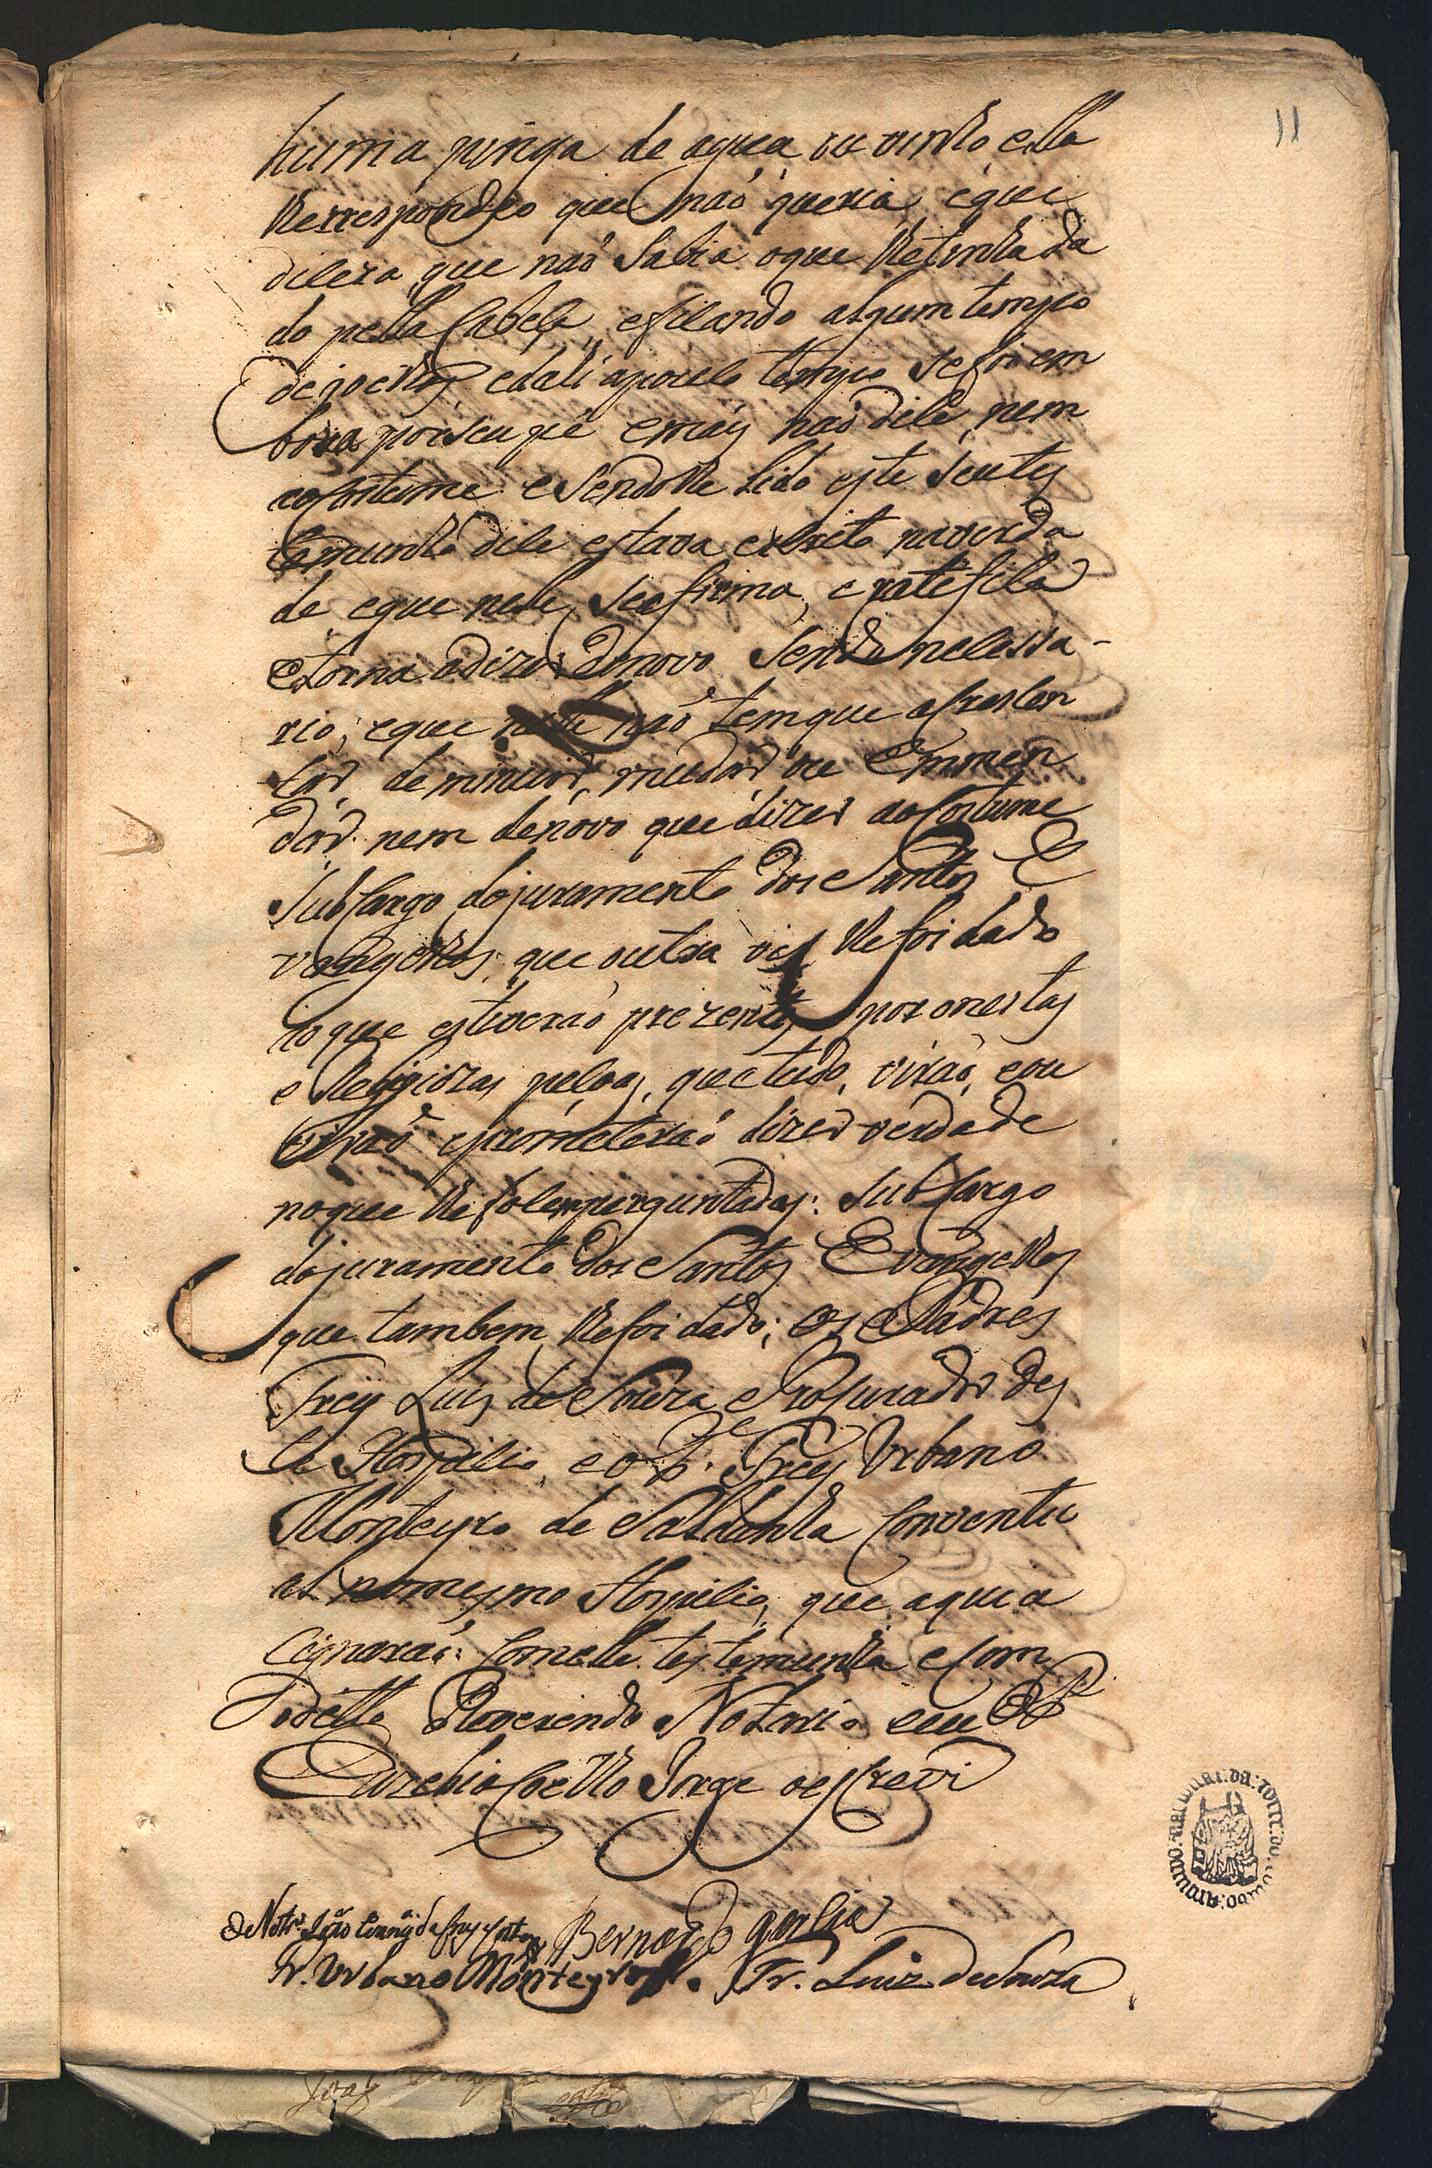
huma pinga de agua, ou vinho, ella
lhe rrespondeo que naõ queria, e que
dicera que naõ Sabia o que lhe tinha da
do pella CabeÇa, e fiCando algum tempo
de joelhos, e dahi a pouCo tempo se foi em
bora por seu pé e mais naõ diCe, nem
ao Costume, e sendolhe lido este seu tes
temunho diCe estava esCrito na verda
de e que nelle se afirma, e ratefiCa
e torna a dizer de novo sendo neCessa
rio, e que nele naõ tem que aCresCen
tar, deminuir, mudar ou Emmen
dar; nem de novo que dizer ao Costume
sub Cargo do juramento dos Santos E
vangelhos, que outra ves lhe foi dado
ao que estiveraõ prezentes por onestas
e Religiozas peÇoas, que tudo, viraõ, e ou
viraõ e prometeraõ dizer verdade
no que lhe foCem perguntadas: sub Cargo
do juramento dos Santos Evangelhos
que tambem lhe foi dado; os Padres
Frey Luis de Souza ProCurador des
te Hospicio, e o P.e Frey Vrbano
Monteyro de Saldanha Conventu
al no mesmo HospiCio, que aqui a
Cignaraõ: Com elle testemunha e Com
o ditto Reverendo Notario e eu o P
Euzebio Coelho Iorge o esCrevi
O Notro Ioão Euanga. de Crus e Costa Bernardo garCia
Fr. Vrbano Monteyro Fr. Luiz de Souza
